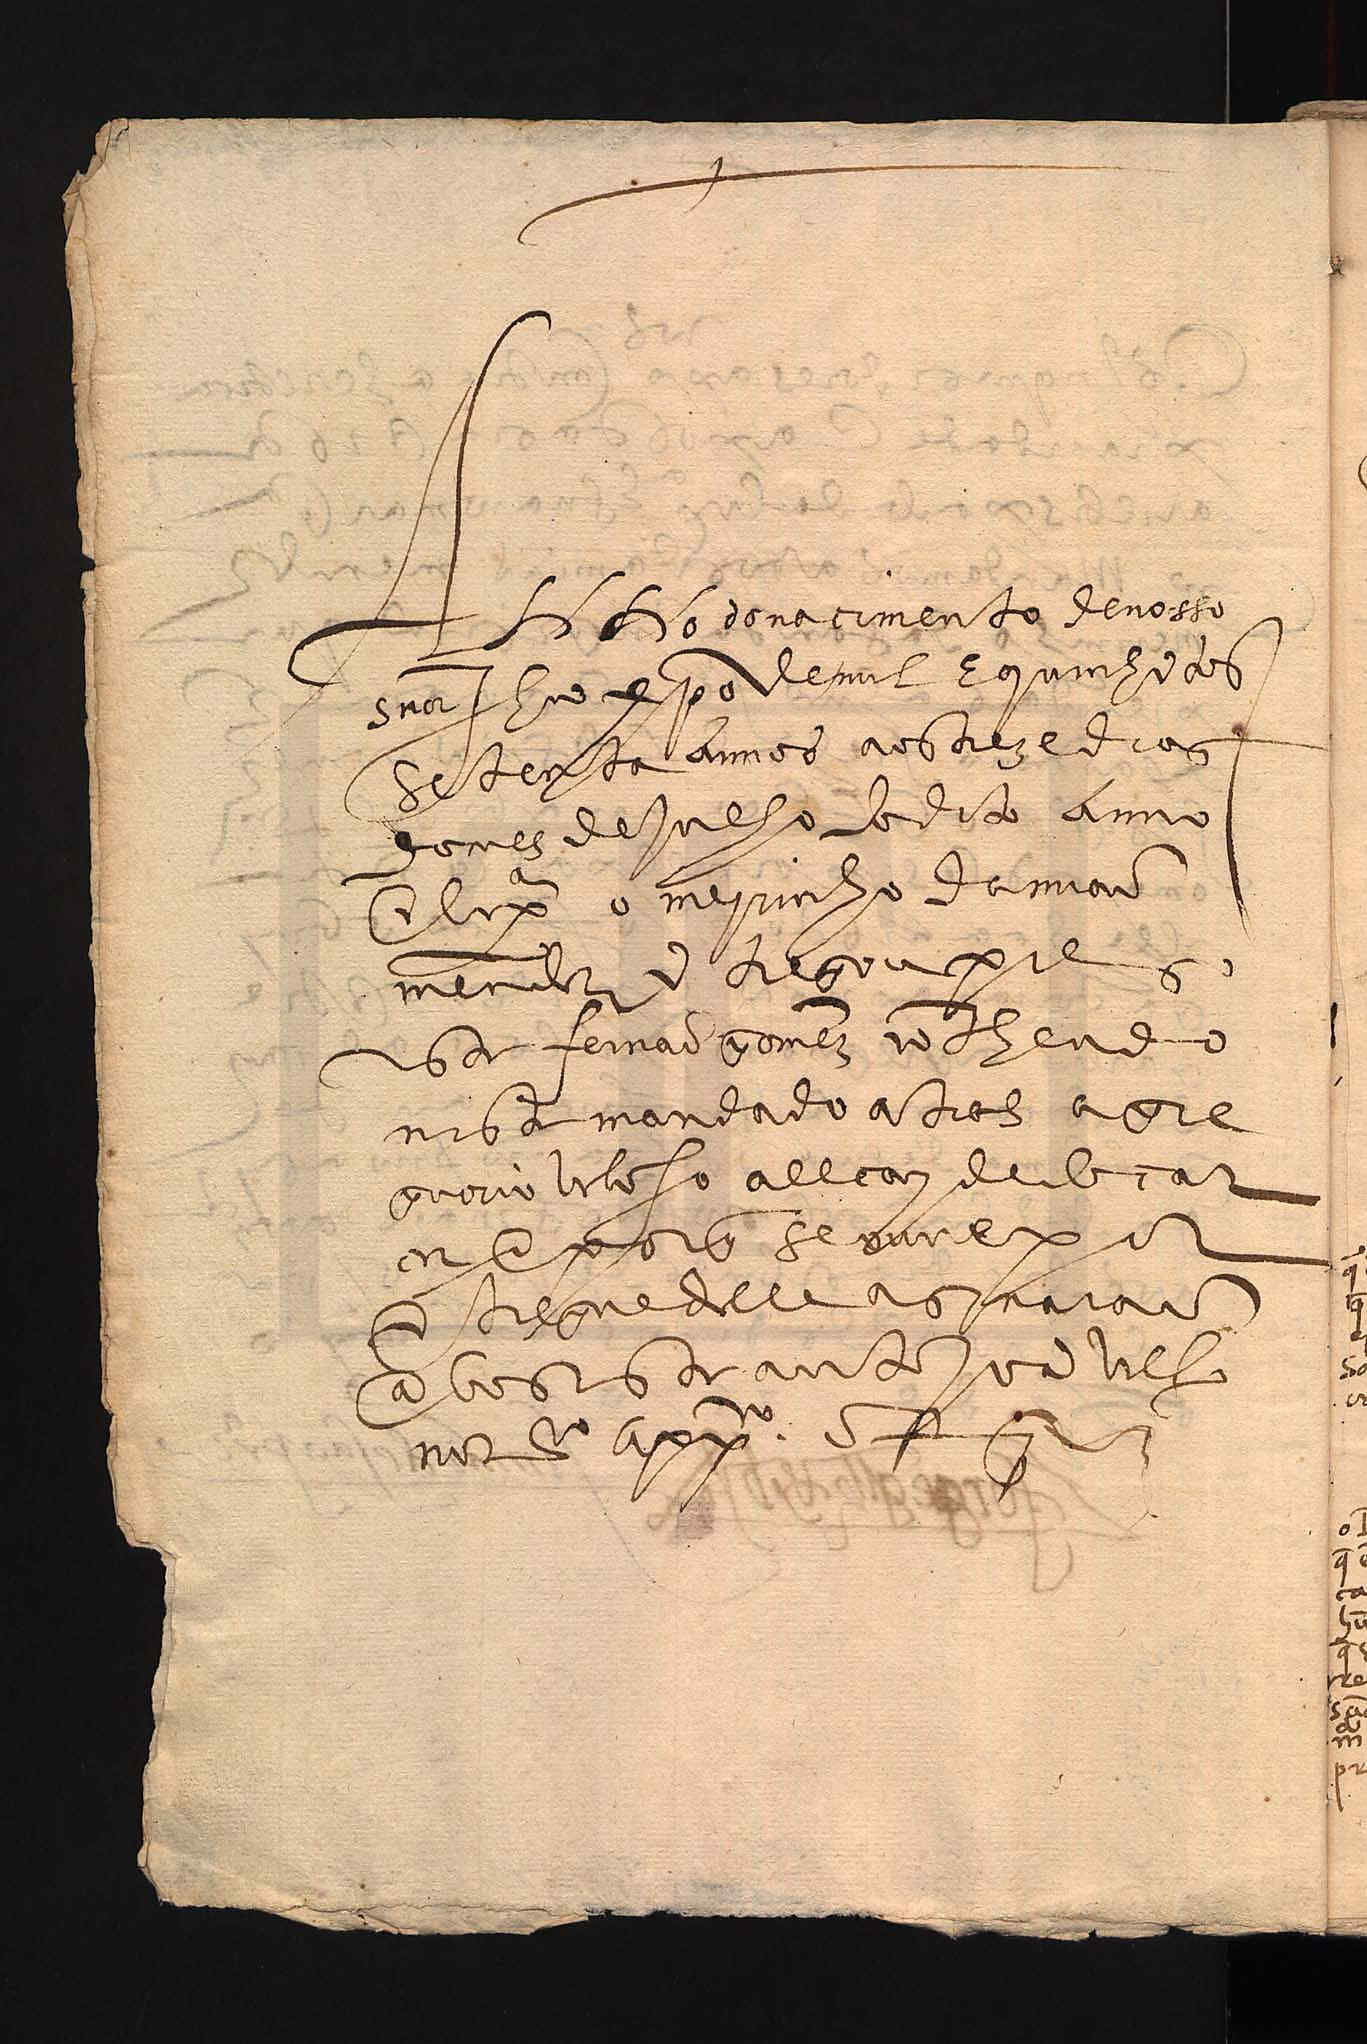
ANNo do nacimento de nosso
sn̄or Jhū xp̄o de miL E quinhētos
setenta annos aos treze dias
do mes de Julho do dito anno
ē lixa o mejrinho damiaõ
mendez ētregou preso
este fernaõ gomez cōtheudo
neste mandado atras a gre
guorio veloso allcayde do car
cer e porq̄ se ouue por
ētregue delle asjnaraõ
ābos este auto Joā velho
notro appco. o stp̄vi
